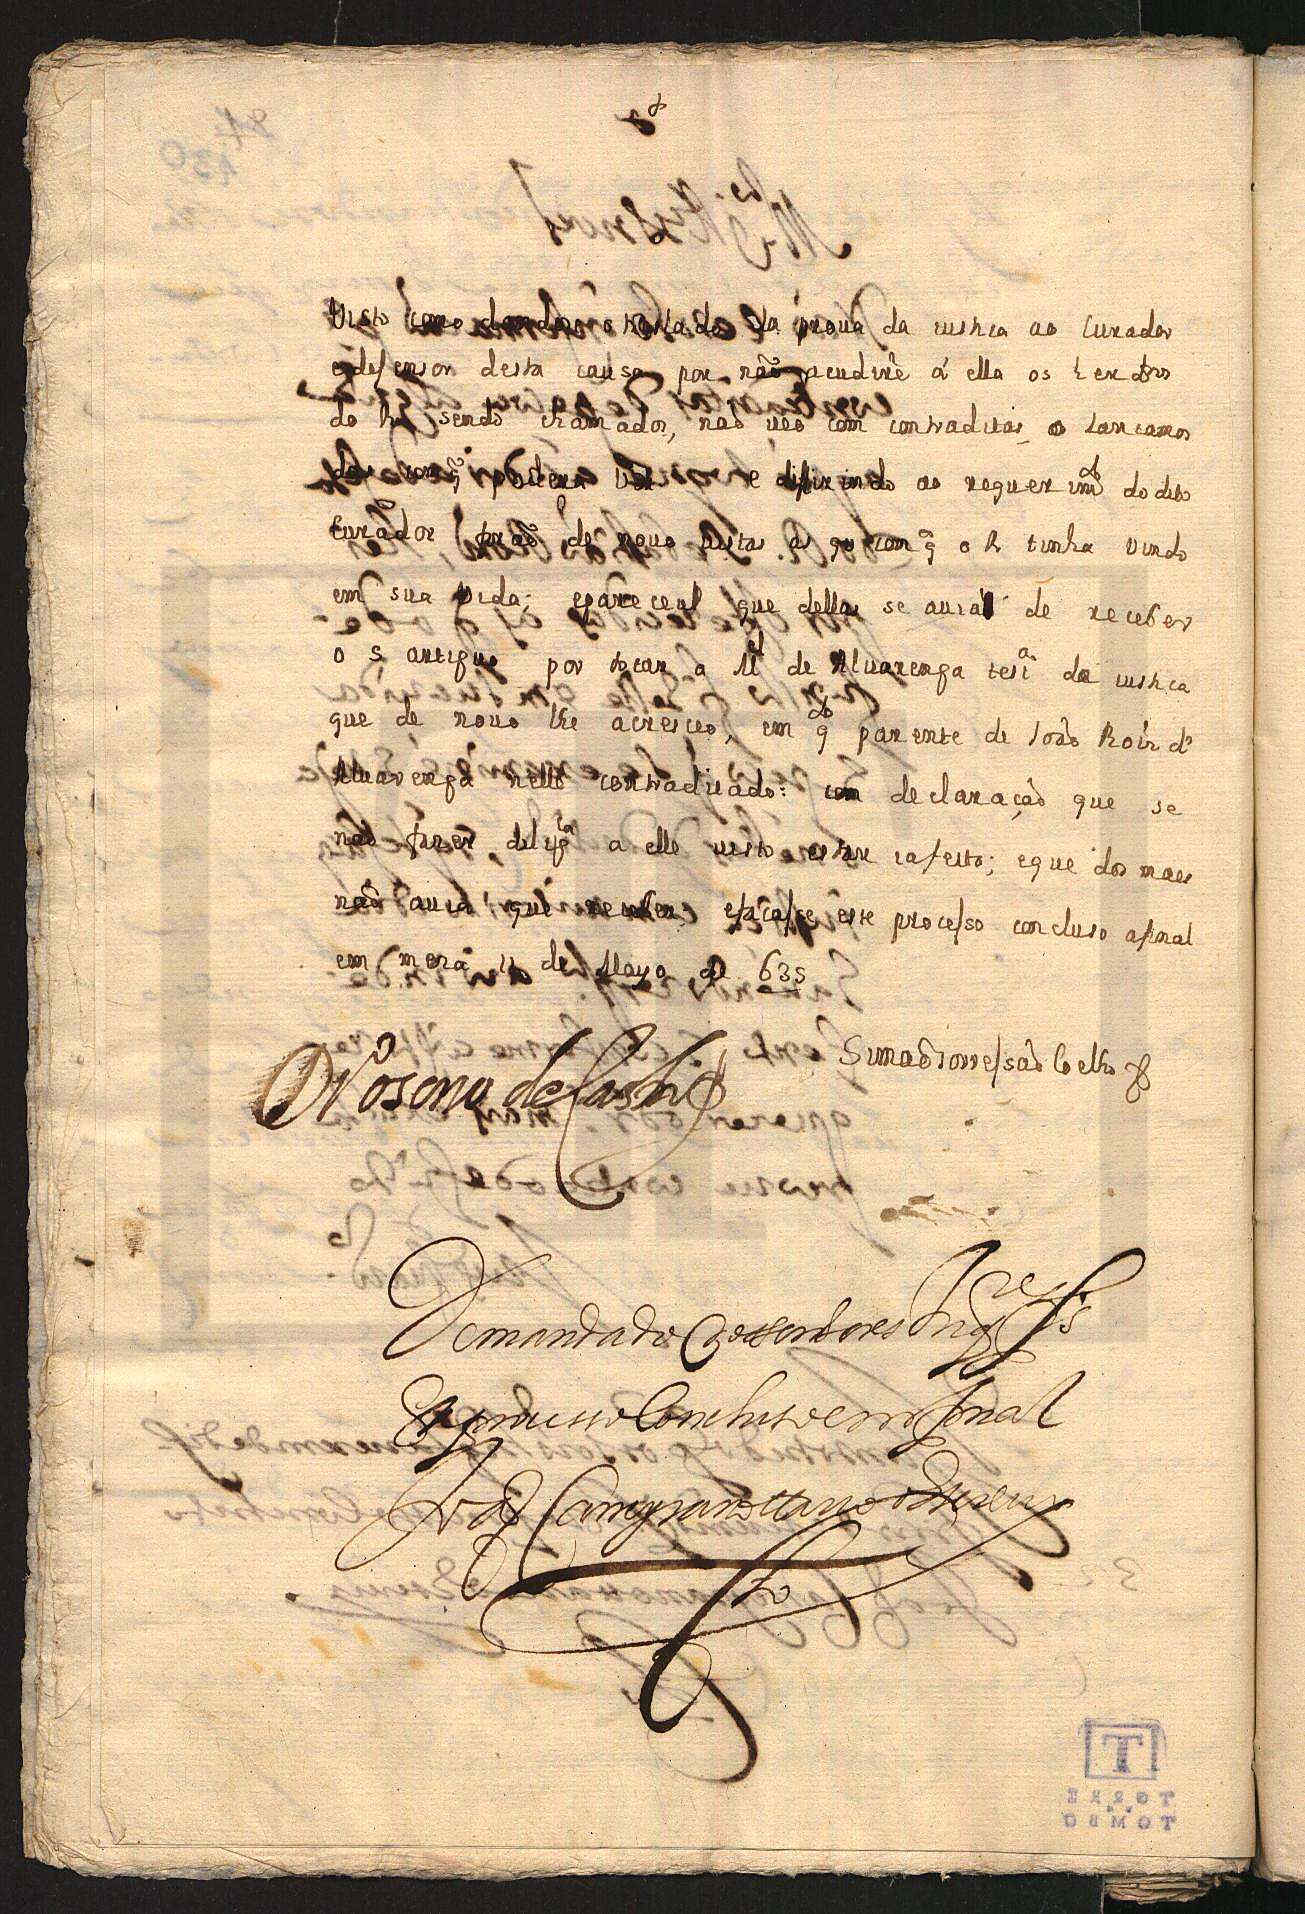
Visto como dandose o traslado da proua da iustica ao curador
e defensor desta causa por não acudirē á ella os herdros
do R sendo chamados, naõ ueo com contraditas, o Lancamos
das com q̄ podera v_ e diffirindo ao requerimto do dito
curador porão de nouo a estas as qu com q̄ o R tinha vindo
em sua vida; e pareceo que della se auia_ de receber
o 5 artiguo por tocar a Mel de Aluarenga testa da iustica
que de nouo lhe acresceo, emqto parente de Ioão Roiz de
Aluarenga nelle contraditado: com declaraçaõ que se
não fazer diligca a elle uisto estar ia feito; e que dos maes
naõ auia que receber e facasse este processo concluso afinal
em meza 11 de Mayo de 635
Demandado dos senhores Inqres fis
este processo Concluso em final
Joaõ Carreyra nottario o Escreuy
Clo
